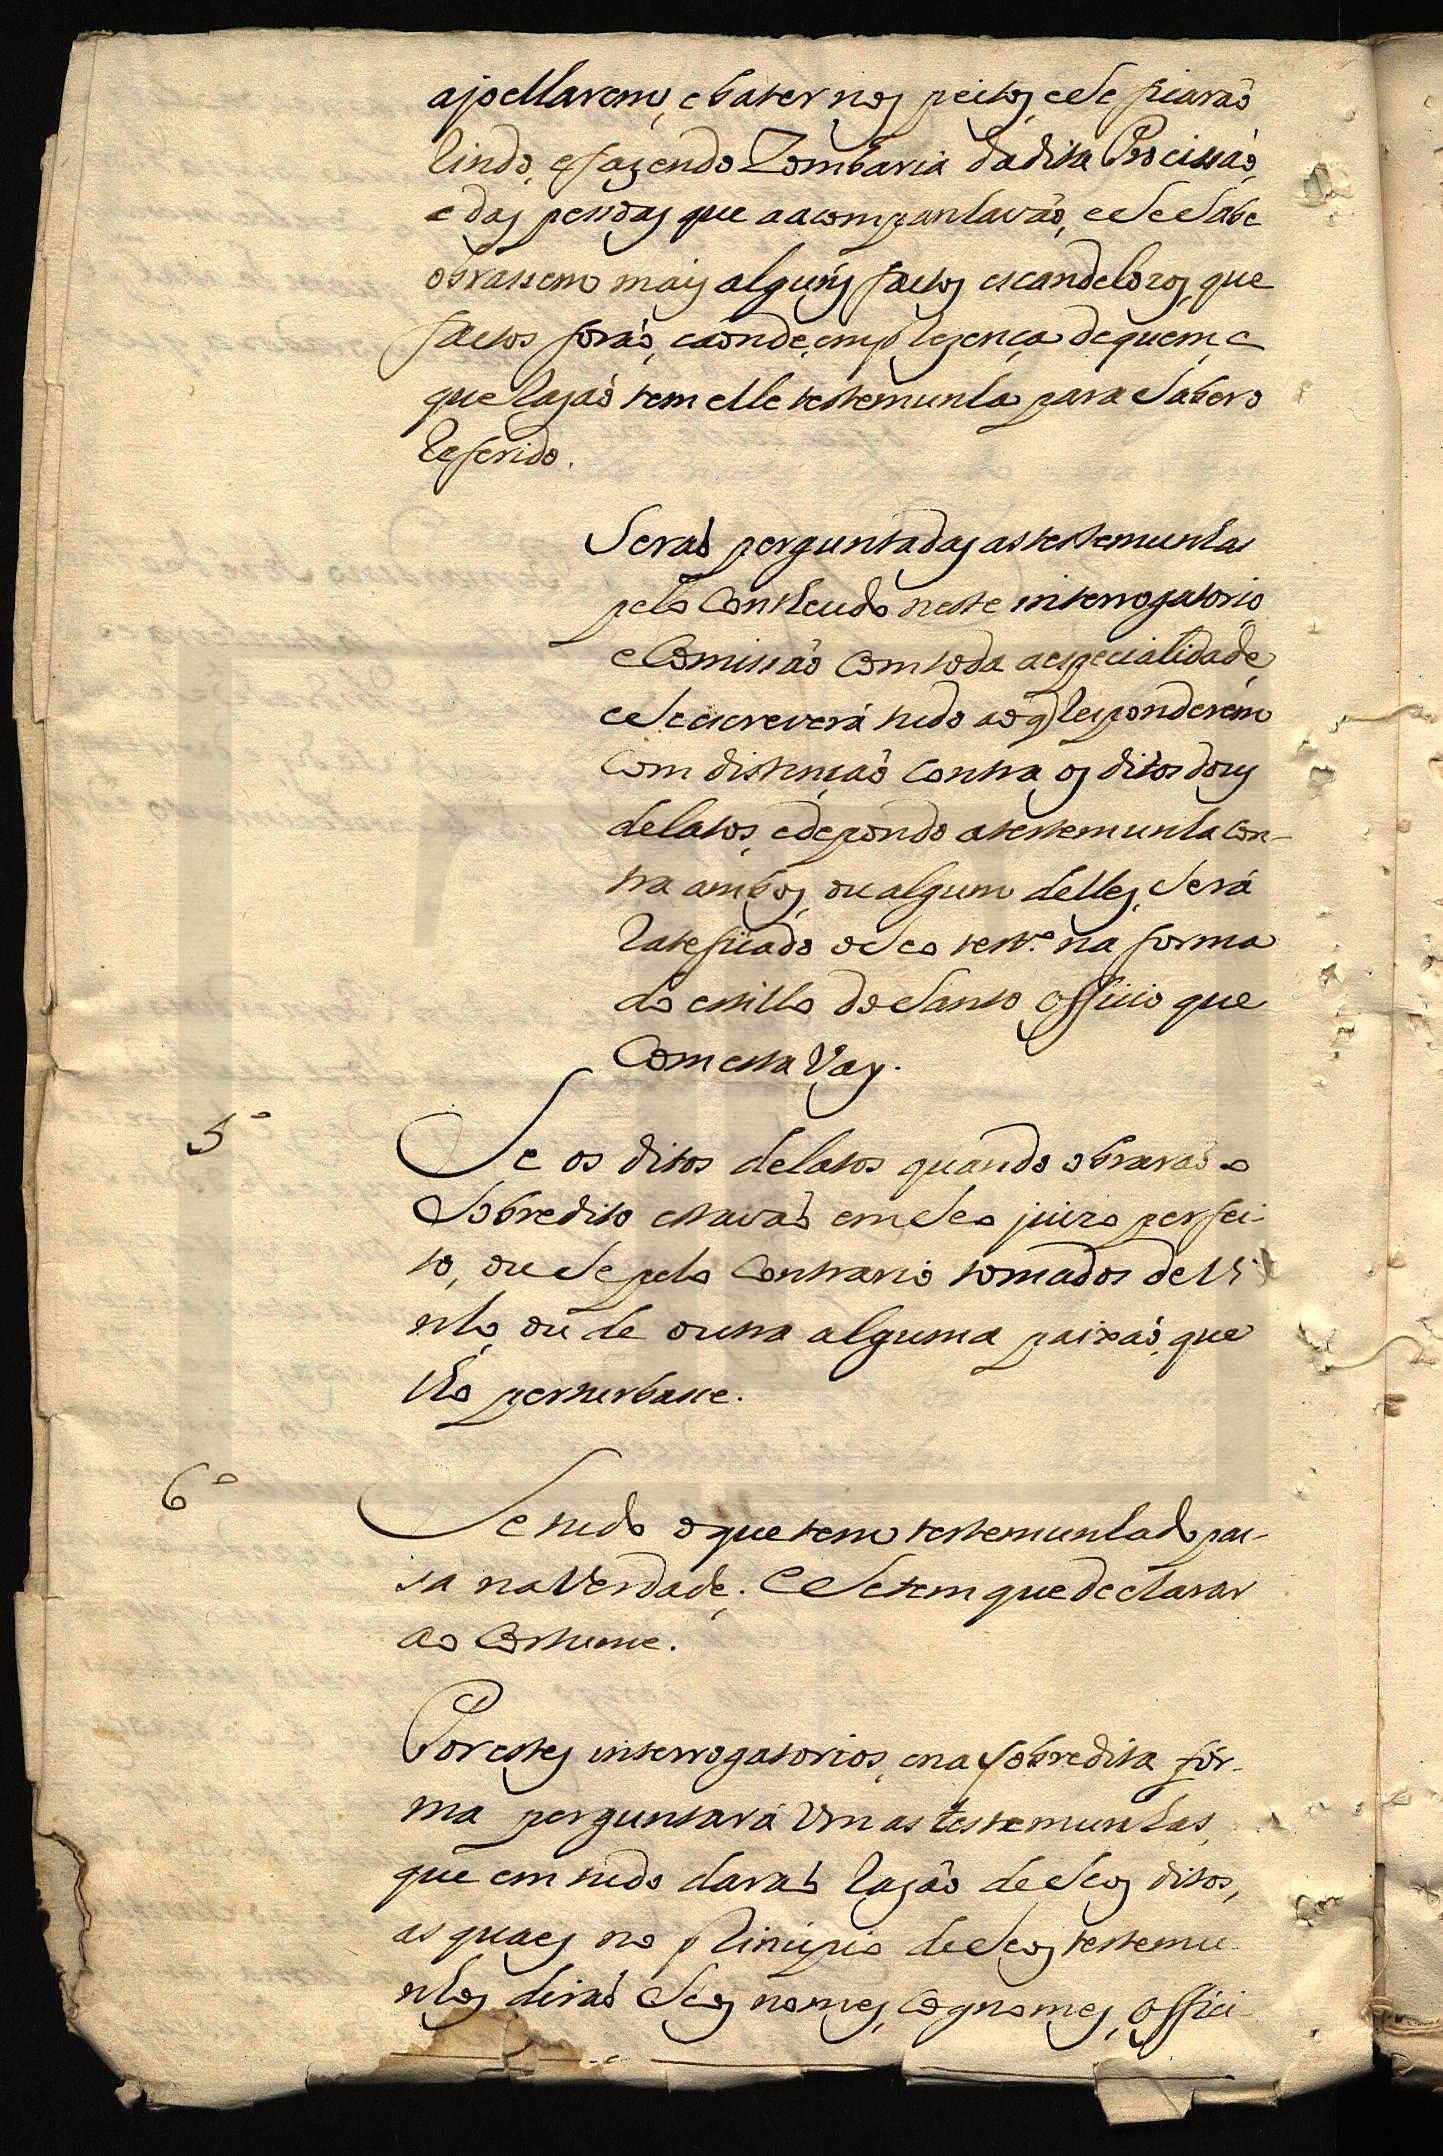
ajoelharem, e bater nos peitos, e se ficaraõ,
Rindo, e fazendo Zombaria da dita Procissaõ,
e das pessoas que a acompanhavaõ, e se sabe
obrassem mais alguns factos escandelozos, que
factos foraõ, e aonde, em prezença de quem, e
que Razaõ tem elle testemunha para saber o
Referido.
Seraõ perguntadas as testemunhas
pelo contheudo neste interrogatorio,
e Comissaõ com toda a especialidade,
de se escreverá tudo ao q̄ Responderem
com distinçaõ contra os ditos dous
delatos, e depondo a testemunha con
tra ambos, ou algum, delles, será
Rateficado o seo test.o na forma
do estillo do Santo officio que
com esta Vay.
Se os ditos delatos quando obraraõ o
sobredito estavaõ em seo juizo perfei
to, ou se pelo contrario tomados de Vi
nho, ou de outra alguma paixaõ que
lho perturbasse.
Se tudo o que tem testemunhado pas
sa na Verdade. e se tem que declarar
ao costume.
Por estes interrogatorios, e na sobredita fór
ma perguntará Vm as testemunhas,
que em tudo daraõ Razaõ de seos ditos,
as quaes no principio de seos testemu
nhos diraõ seos nomes, cognomes, offici
5º
6º
